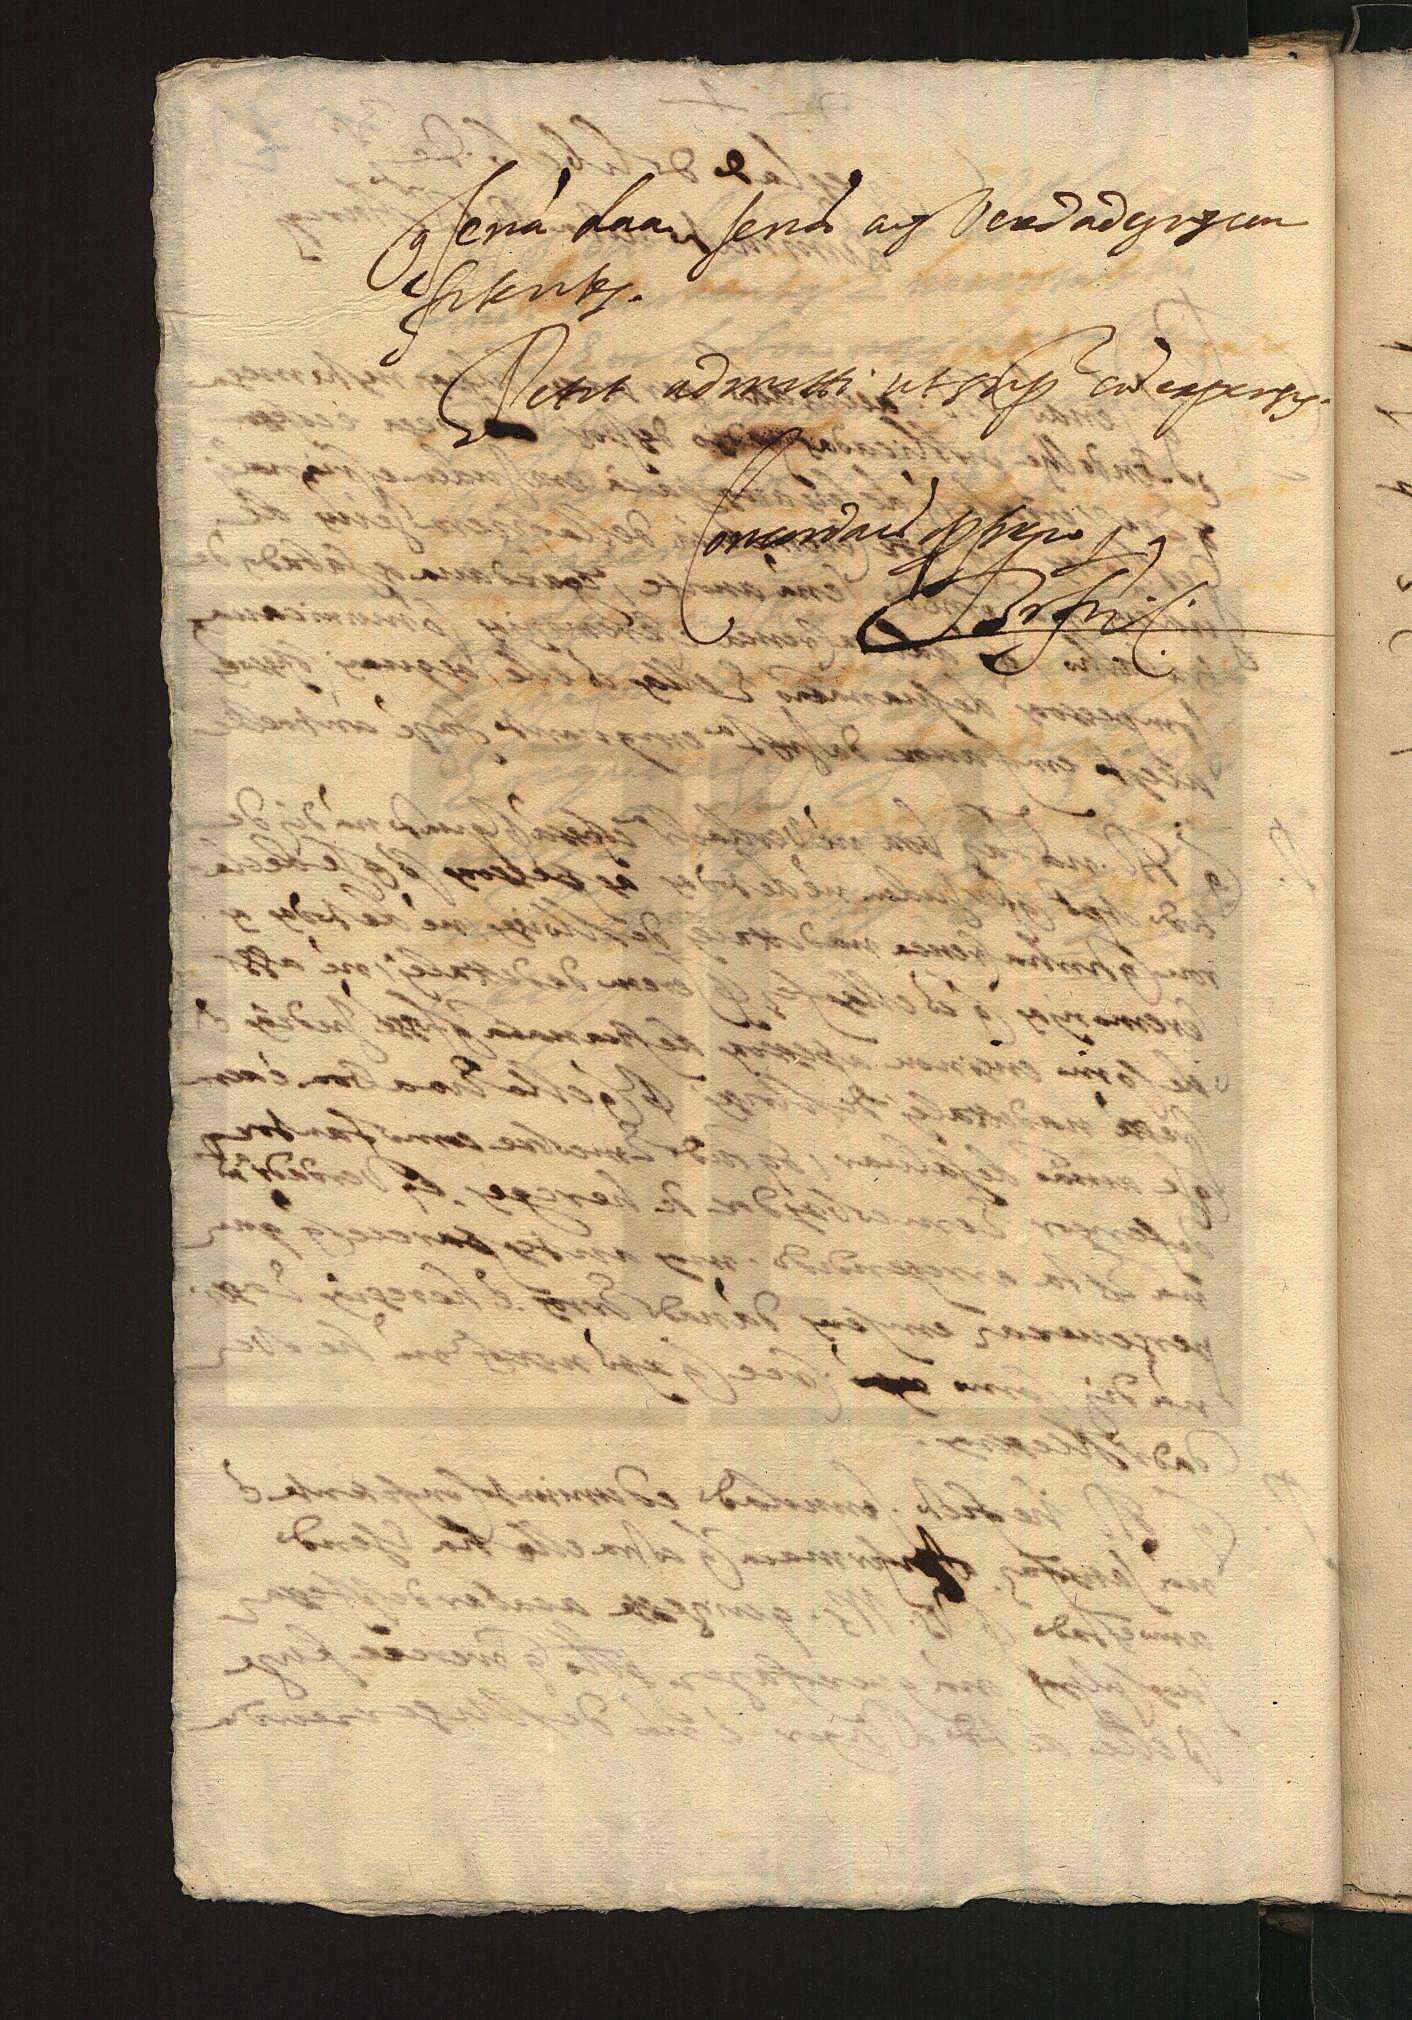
q̄ se nā daa senaõ aos verdadejros con
fitentes.
Petit admitti ut sup̄ cū expensis.
Concorda cō o ꝓprio
Br frz̄
